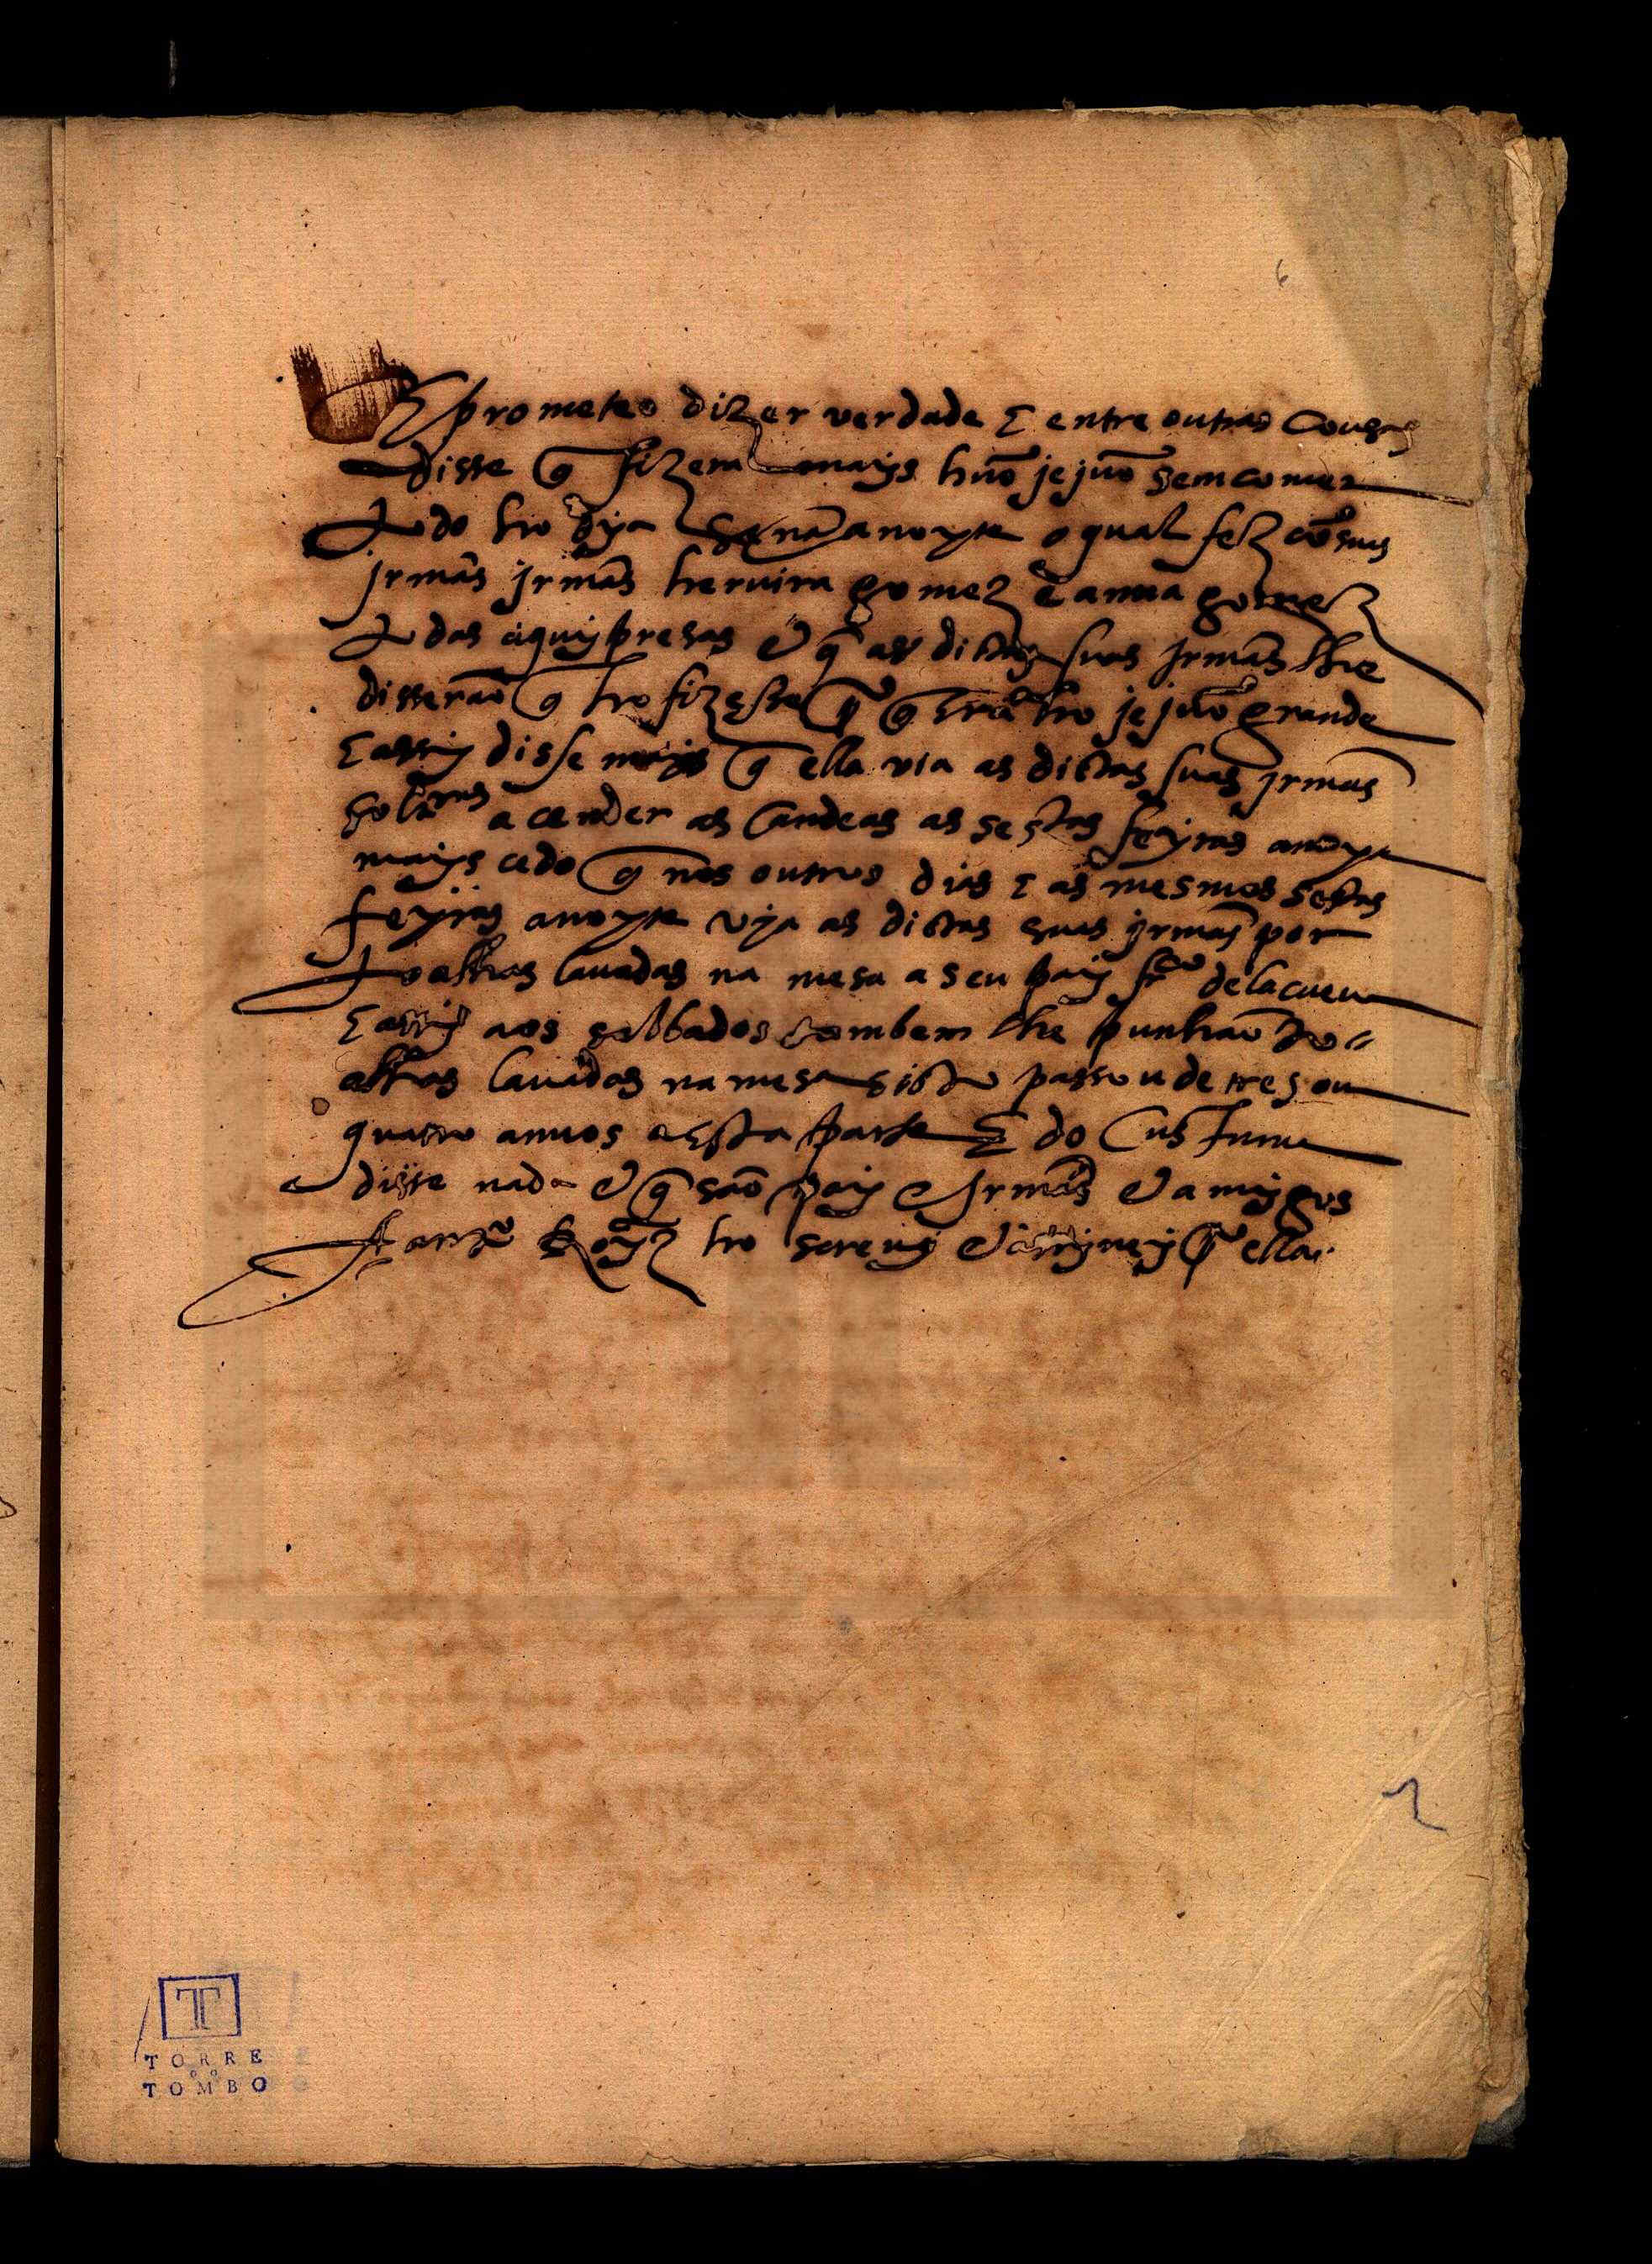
E prometeo dizer verdade E entre outras cousas
disse q̄ fizera mays hūs jejūs sem comer
todo ho dya senā a noyte o quaL fez cō suas
jrmās jrmās heruira gomez e anna gomez
todas aquy presas e q̄ as dictas suas Jrmās lhe
disserão q̄ ho fizesse p̄oq̄ Era ho jejuō grande
E assy disse mays q̄ ella via as dictas suas jrmās
soltras acender as Candeas as sestas feyras a noyte
mays cedo q̄ nos outros dias E as mesmas sestas
feyras a noyte vya as dictas suas jrmās por
toalhas lauadas na mesa a seu pay frco de la cueua
E assy aos sabbados tambem lhe punhaõ to
alhas lauadas na mesa E isto passou de tres ou
quatro annos a Esta parte E do Custume
disse nada e q̄ saõ pay e Jrmās e amygos
Aanto Roȳz ho screuy e assyney p̄o ella.
